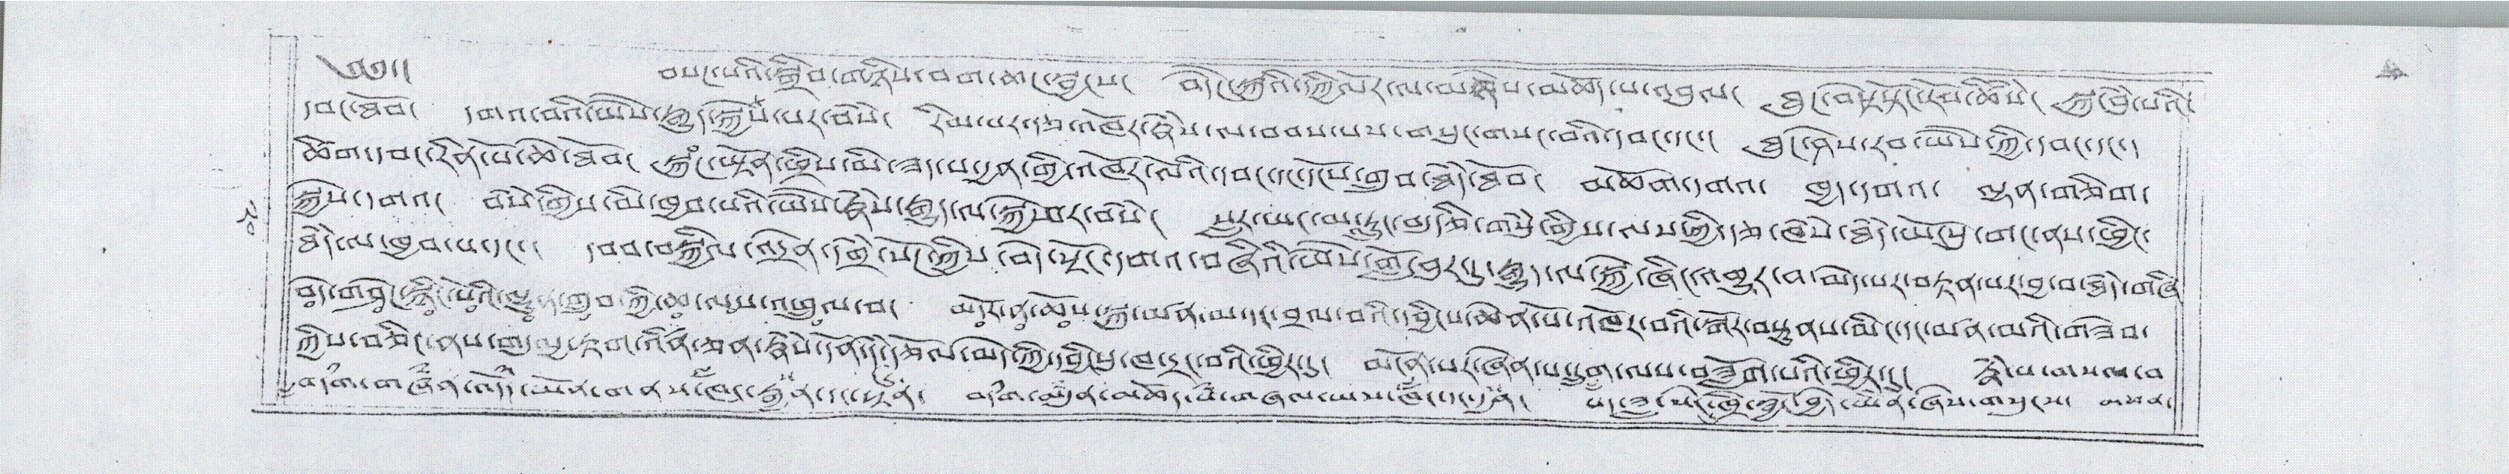བསགས་པའི་སྒྲིབ་གཉིས་བག་ཆགས་སྦྱངས། བདེར་གཤེགས་སྐུ་ཡི་དཀྱིལ་འཁོར་ལ་མཉེས་མཆོད་པ་འབུལ། ཐུགས་བདེ་སྟོང་རོས་ཚིམས། སྐུ་བུམ་པའི་
དབང་ཐོབ། དགའ་བའི་ཡེ་ཤེས་རྒྱུད་སྐྱེས་པར་བསམ། རིམ་པར་རྩ་འཁོར་རྣམས་ལ་བབ་པས་གསུང་གསང་བའི་དབང་དང་། ཐུགས་ཤེས་རབ་ཡེ་ཤེས་ཀྱི་དབང་དང་། 
ཚིག་དབང་རིན་པོ་ཆེ་ཐོབ། སྐུ་གསུང་ཐུགས་ཡོན་ཏན་ཕྲིན་ལས་མི་ཟད་པ་རྒྱན་གྱི་འཁོར་ལོའི་དབང་དང་དངོས་གྲུབ་ཐམས་ཅད་ཐོབ། མཆོག་དགའ། ཁྱད་དགའ། ལྷན་ཅིག་
སྐྱེས་དགའ། བསམ་གྱིས་མི་ཁྱབ་པའི་ཡེ་ཤེས་རྣམས་རྒྱུད་ལ་སྐྱེས་པར་བསམ། སླར་ཡང་མ་རླུང་བདུད་རྩི་གསུམ་གྱི་ལས་ཀྱིས་རྩ་ཁམས་ཐམས་ཅད་ཡོངས་སུ་གང་ནས་ཕྱི་
ནང་ཐམས་ཅད་ལ་ཁྱབ་པ་དང་། དབབ་སྐྱིལ་འདྲེན་དགྲམ་སོགས་ཀྱིས་བདེ་སྟོང་དགའ་བཞིའི་ཡེ་ཤེས་གློ་བུར་དུ་རྒྱུད་ལ་སྐྱེས་ཤིང་འགྱུར་བ་མེད་པར་བརྟན་པར་བྱ་བ་ཐམས་ཅད་གཞི་
བདེར་གཤེགས་སྙིང་པོའི་ལྷུན་གྲུབ་ཀྱི་ཆ་ལས་འཕྲུལ་བ། མདོར་ན་ཆོས་སྐུ་མཚན་མ་དང་བྲལ་བའི་དབྱིངས་ཆེན་པོ་འཁོར་བའི་སྒོར་བསྟུན་ནས་མིང་དང་མཚན་མའི་གཟེབ་
ཀྱིས་བཅིང་ནས་གདུལ་བྱ་རྟག་འཛིན་ཅན་རྣམས་དོན་དམ་རྩོལ་མེད་ཀྱི་དབྱིངས་སུ་ཁ་དྲང་བའི་ཕྱིར་དུ། མངོན་པར་ཞེན་པ་དྲུག་ལས་བཟློག་པའི་ཕྱིར་དུ། རྣམ་པ་གསལ་བ་
༼བདག་གཞན་འདོད་ཡོན་གནས་ཁང་རྒྱན་དང་སྟན། བདག་མདུན་མཆོད་པ་གཞལ་ཡས་ཁང་དང་རྒྱན། པད་ཟླ་སེང་ཁྲི་སྦྱོང་བྱེད་ཡིན་ཞེས་གསུངས། མཆན།༽